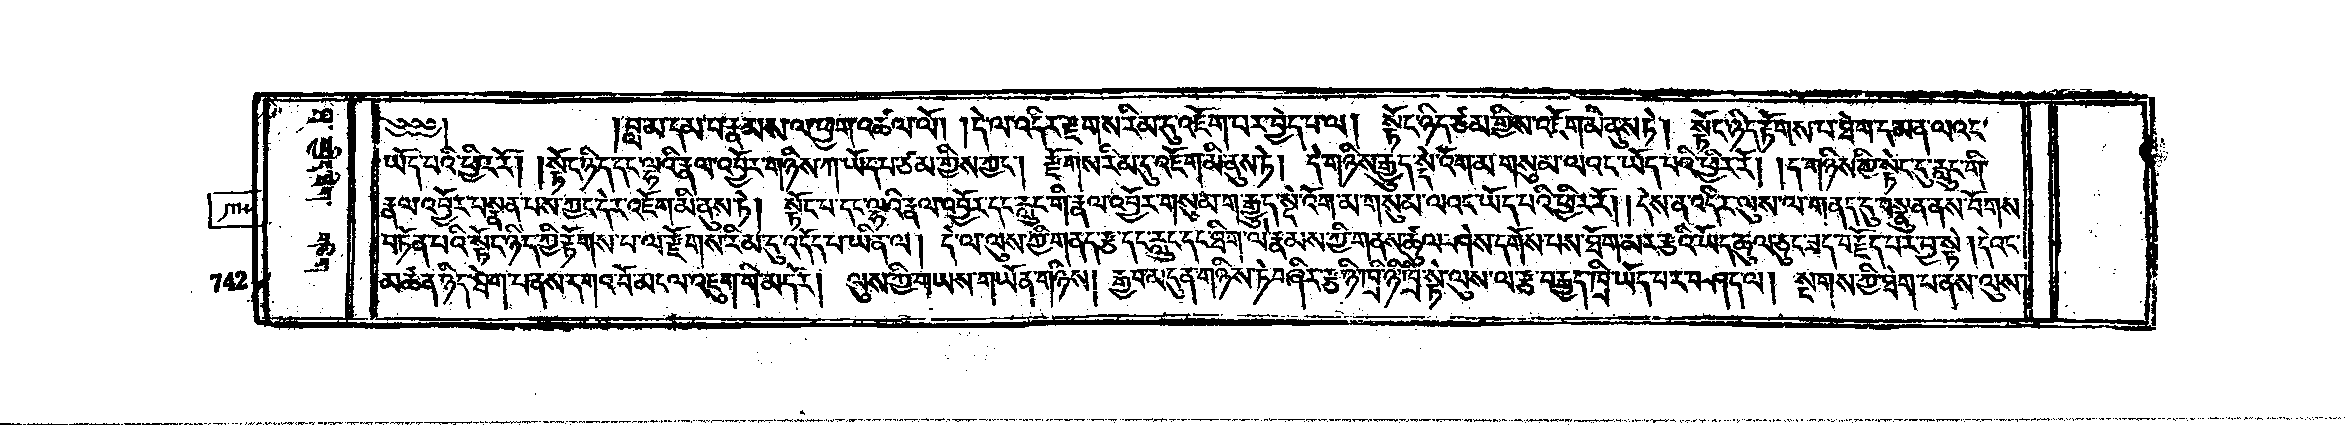༄༅༅། །བླ་མ་དམ་པ་རྣམས་ལ་ཕྱག་འཚལ་ལོ། །དེ་ལ་འདིར་རྫོགས་རིམ་དུ་འཇོག་པར་བྱེད་པ་ལ། སྟོང་ཉིད་ཙམ་གྱིས་འཇོག་མི་ནུས་ཏེ། སྟོང་ཉིད་རྟོགས་པ་ཐེག་དམན་ལའང་
ཡོད་པའི་ཕྱིར་རོ། །སྟོང་ཉིད་དང་ལྷའི་རྣལ་འབྱོར་གཉིས་ཀ་ཡོད་པ་ཙམ་གྱིས་ཀྱང་། རྫོགས་རིམ་དུ་འཇོག་མི་ནུས་ཏེ། དེ་གཉིས་རྒྱུད་སྡེ་འོག་མ་གསུམ་ལའང་ཡོད་པའི་ཕྱིར་རོ། །དེ་གཉིས་ཀྱི་སྟེང་དུ་རླུང་གི་
རྣལ་འབྱོར་བསྣན་པས་ཀྱང་དེར་འཇོག་མི་ནུས་ཏེ། སྟོང་པ་དང་ལྷའི་རྣལ་འབྱོར་དང་རླུང་གི་རྣལ་འབྱོར་གསུམ་ག་རྒྱུད་སྡེ་འོག་མ་གསུམ་ལའང་ཡོད་པའི་ཕྱིར་རོ། །དེས་ན་འདིར་ལུས་ལ་གནད་དུ་བསྣུན་ནས་བོགས་
བཏོན་པའི་སྟོང་ཉིད་ཀྱི་རྟོགས་པ་ལ་རྫོགས་རིམ་དུ་འདོད་པ་ཡིན་ལ། དེ་ལ་ལུས་ཀྱི་གནད་རྩ་དང་རླུང་དང་ཐིག་ལེ་རྣམས་ཀྱི་གནས་ཚུལ་ཤེས་དགོས་པས་ཐོག་མར་རྩའི་ཡོད་ཚུལ་ཅུང་ཟད་བརྗོད་པར་བྱ་སྟེ། དེའང་
མཚན་ཉིད་ཐེག་པ་ནས་དགའ་བོ་མངལ་འཇུག་གི་མདོར། ལུས་ཀྱི་གཡས་གཡོན་གཉིས། རྒྱབ་མདུན་གཉིས་ཏེ་བཞིར་རྩ་ཉི་ཁྲི་ཉི་ཁྲི་སྟེ་ལུས་ལ་རྩ་བརྒྱད་ཁྲི་ཡོད་པར་བཤད་ལ། སྔགས་ཀྱི་ཐེག་པ་ནས་ལུས་